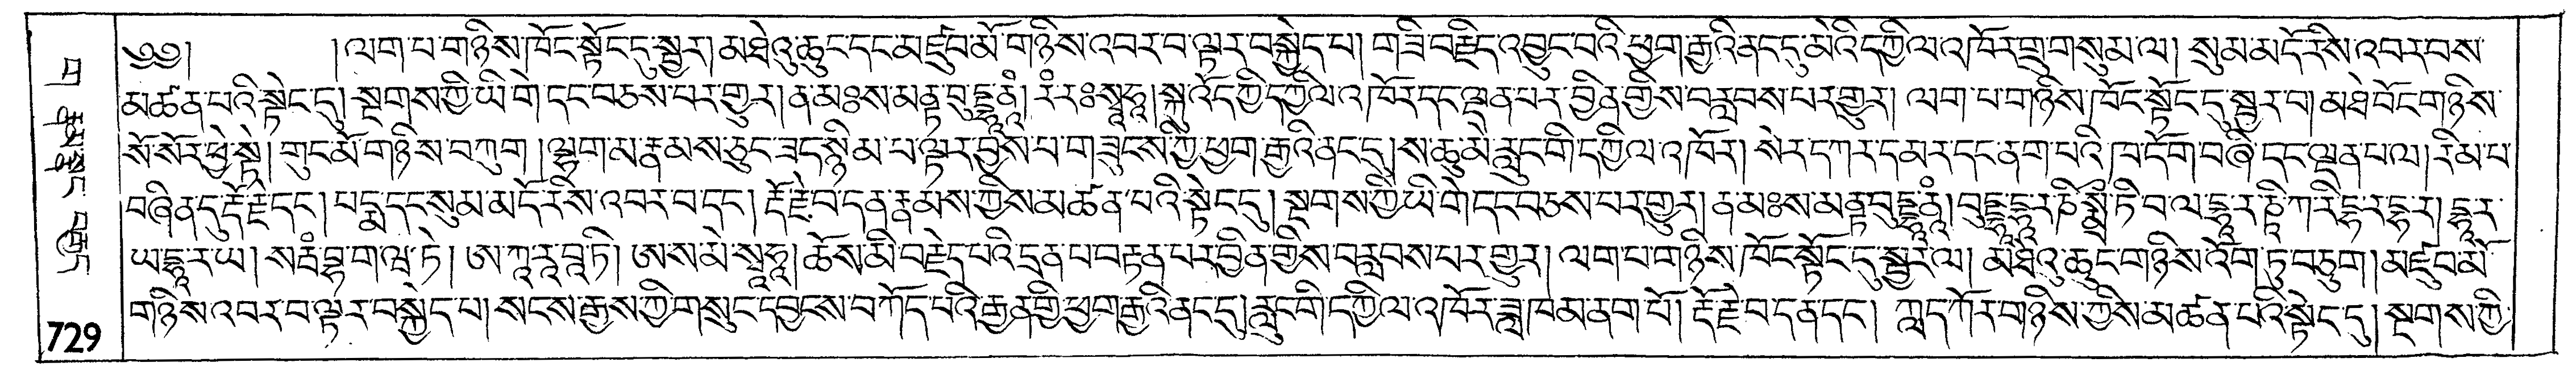༄༅། །ལག་པ་གཉིས་ཁོང་སྟོང་དུ་སྦྱར། མཐེའུ་ཆུང་དང་མཛུབ་མོ་གཉིས་འབར་བ་ལྟར་བསྐྱེད་པ། གཟི་བརྗིད་འབྱུང་བའི་ཕྱག་རྒྱའི་ནང་དུ་མེའི་དཀྱིལ་འཁོར་གྲུ་གསུམ་ལ། སུམ་མདོ་རིས་འབར་བས་
མཚན་པའི་སྟེང་དུ། སྔགས་ཀྱི་ཡི་གེ་དང་བཅས་པར་གྱུར། ན་མཿ ས་མནྟ་བུདྡྷཱ་ནཱཾ། རཾ་རཿ སྭཱཧཱ། སྐུ་འོད་ཀྱི་དཀྱིལ་འཁོར་དང་ལྡན་པར་བྱིན་གྱིས་བརླབས་པར་གྱུར། ལག་པ་གཉིས་ཁོང་སྟོང་དུ་སྦྱར་བ། མཐེ་བོང་གཉིས་
སོ་སོར་ཕྱེ་སྟེ། གུང་མོ་གཉིས་བཀུག །ལྷག་མ་རྣམས་ཅུང་ཟད་སྙིམ་པ་ལྟར་བྱས་པ་གཟུངས་ཀྱི་ཕྱག་རྒྱའི་ནང་དུ། ས་ཆུ་མེ་རླུང་གི་དཀྱིལ་འཁོར། སེར་དཀར་དམར་དང་ནག་པའི་ཁ་དོག་བཞི་དང་ལྡན་པ་ལ། རིམ་པ་
བཞིན་དུ་རྡོ་རྗེ་དང་། པདམ་དང་སུམ་མདོ་རིས་འབར་བ་དང་། རྡོ་རྗེ་བ་དན་རྣམས་ཀྱིས་མཚན་པའི་སྟེང་དུ། སྔགས་ཀྱི་ཡི་གེ་དང་བཅས་པར་གྱུར། ན་མཿ ས་མནྟ་བུདྡྷཱ་ནཱཾ། བུདྡྷཱ་དྷཱ་ར་ཎི་སྨྲྀ་ཏི་བ་ལ་དྷཱ་ར་ཎཱི་ཀ་རི་དྷ་ར་དྷ་ར། དྷཱ་ར་
ཡ་དྷཱ་ར་ཡ། སརྦཾ་བྷ་ག་ཝ་ཏེ། ཨ་ཀཱ་རཱ་བཱ་ཏི། ཨ་ས་མེ་སྭཱཧཱ། ཆོས་མི་བརྗེད་པའི་དྲན་པ་བརྟན་པར་བྱིན་གྱིས་བརླབས་པར་གྱུར། ལག་པ་གཉིས་ཁོང་སྟོང་དུ་སྦྱར་ལ། མཐེའུ་ཆུང་གཉིས་འོག་ཏུ་བཅུག །མཛུབ་མོ་
གཉིས་འབར་བ་ལྟར་བསྐྱེད་པ། སངས་རྒྱས་ཀྱི་གསུང་དབྱངས་བཀོད་པའི་རྒྱན་གྱི་ཕྱག་རྒྱའི་ནང་དུ། རླུང་གི་དཀྱིལ་འཁོར་ཟླ་ཁམ་ནག་པོ། རྡོ་རྗེ་བ་དང་དང་། ཀླད་ཀོར་གཉིས་ཀྱིས་མཚན་པའི་སྟེང་དུ། སྔགས་ཀྱི་